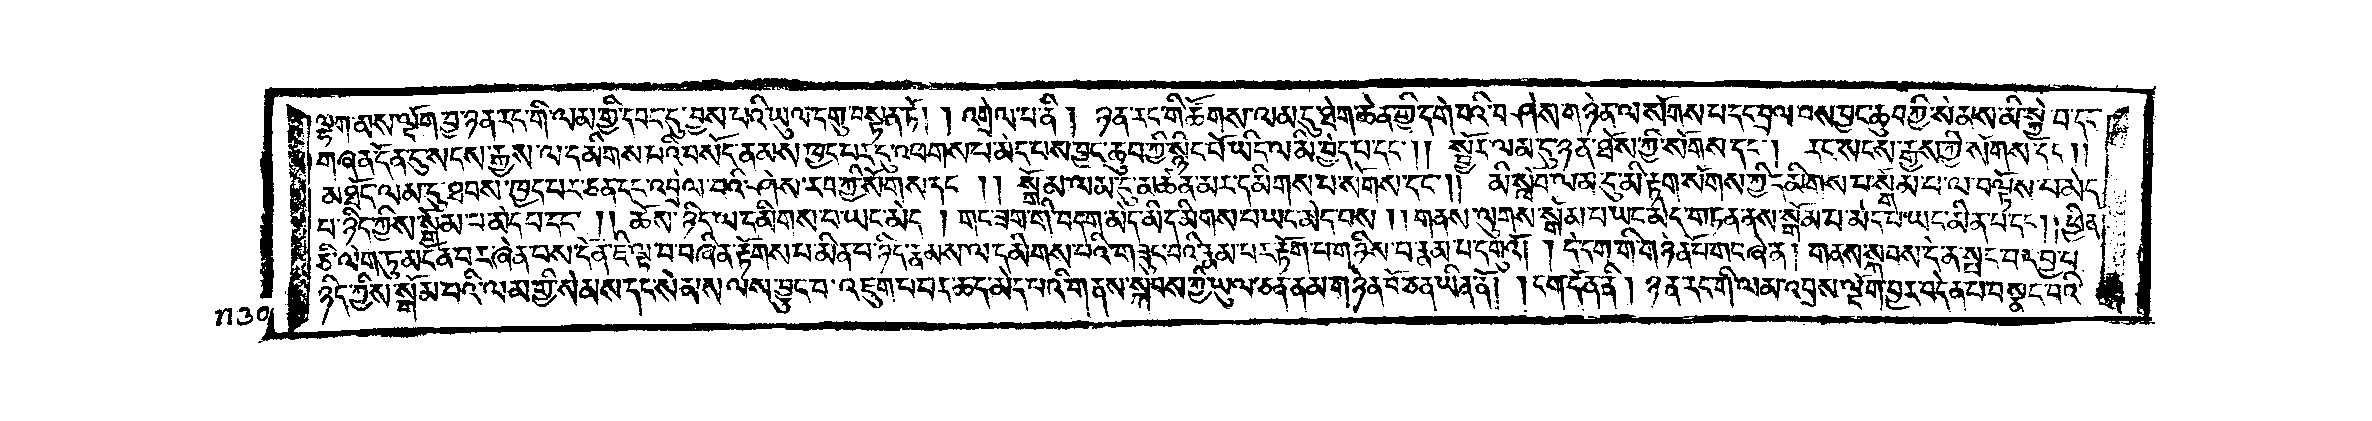ལྷག་མས་ལྡོག་བྱ་ཉན་རང་གི་ལམ་གྱི་དབང་དུ་བྱས་པའི་ཡུལ་དགུ་བསྟན་ཏོ། །འགྲེལ་བ་ནི། ཉན་རང་གི་ཚོགས་ལམ་དུ་ཐེག་ཆེན་གྱི་དགེ་བའི་བཤེས་གཉེན་ལ་སོགས་པ་དང་བྲལ་བས་བྱང་ཆུབ་ཀྱི་སེམས་མི་སྐྱེ་བ་དང་
གཞན་དོན་དུ་སངས་རྒྱས་ལ་དམིགས་པའི་བསོད་ནམས་ཁྱད་པར་དུ་འཕགས་པ་མེད་པས་བྱང་ཆུབ་ཀྱི་སྙིང་པོ་ཡིད་ལ་མི་བྱེད་པ་དང་། །སྦྱོར་ལམ་དུ་ཉན་ཐོས་ཀྱི་སོགས་དང་། རང་སངས་རྒྱས་ཀྱི་སོགས་དང།།
མཐོང་ལམ་དུ་ཐབས་ཁྱད་པར་ཅན་དང་འབྲེལ་བའི་ཤེས་རབ་ཀྱི་སོགས་དང་། །སྒོམ་ལམ་དུ་མཚན་མར་དམིགས་པ་སོགས་དང་། །མི་སློབ་ལམ་དུ་མི་རྟག་སོགས་ཀྱི་དམིགས་པ་སྒོམ་པ་ལ་བལྟོས་པ་མེད་
པ་ཉིད་ཀྱིས་སྒོམ་པ་མེད་པ་དང་། །ཆོས་ཉིད་ལ་དམིགས་པ་ཡང་མེད། གང་ཟག་གི་བདག་མེད་མི་དམིགས་པ་ཡང་མེད་པས། །གནས་ལུགས་སྒོམ་པ་ཡང་མེད་གཏན་ནས་སྒོམ་པ་མེད་པ་ཡང་མིན་པ་དང་། །ཕྱིན་
ཅི་ལོག་ཏུ་མངོན་པར་ཞེན་པས་དོན་ཇི་ལྟ་བ་བཞིན་རྟོགས་པ་མིན་པ་ཉིད་རྣམས་ལ་དམིགས་པའི་གཟུང་བའི་རྣམ་པར་རྟོག་པ་གཉིས་པ་རྣམ་པ་དགུའོ། །དེ་དག་གི་གཉེན་པོ་གང་ཞེ་ན། གནས་སྐབས་དེ་ན་སྤང་བར་བྱ་བ་
ཉིད་ཀྱིས་སྒོམ་པའི་ལམ་གྱི་སེམས་དང་སེམས་ལས་བྱུང་བ་འཇུག་པ་བར་ཆད་མེད་པའི་གནས་སྐབས་ཀྱི་ཡུལ་ཅན་ནམ་གཉེན་པོ་ཅན་ཡིན་ནོ། །ངག་དོན་ནི། ཉན་རང་གི་ལམ་འབྲས་ལྡོག་བྱར་བདེན་པ་བསྣང་བའི་